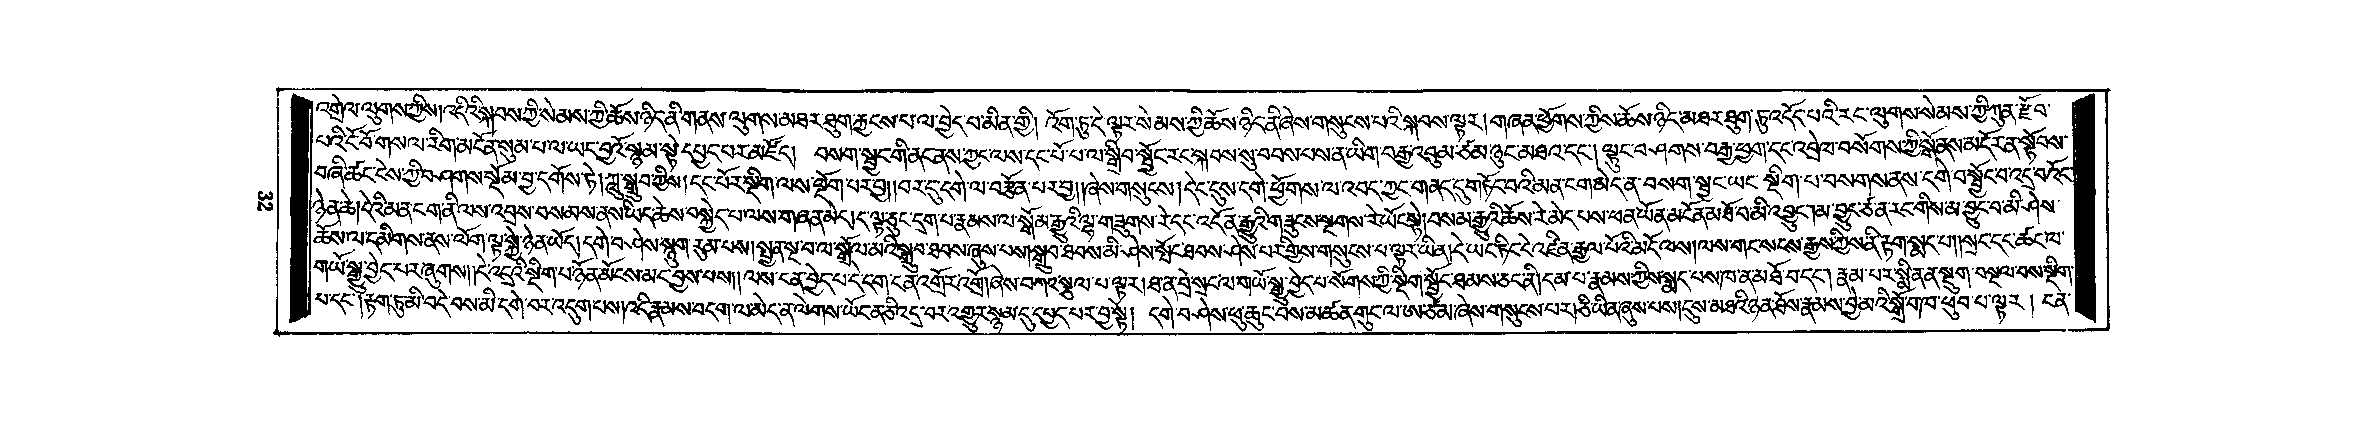འགྲེལ་ལུགས་ཀྱིས། འདིའི་སྐབས་ཀྱི་སེམས་ཀྱི་ཆོས་ཉིད་ནི་གནས་ལུགས་མཐར་ཐུག་རྐྱངས་པ་ལ་བྱེད་པ་མིན་གྱི། འོག་ཏུ་དེ་ལྟར་སེམས་ཀྱི་ཆོས་ཉིད་ནི་ཞེས་གསུངས་པའི་སྐབས་ལྟར། གཞན་ཕྱོགས་ཀྱིས་ཆོས་ཉིད་མཐར་ཐུག་ཏུ་འདོད་པའི་རང་ལུགས་སེམས་ཀྱི་ཀུན་རྫོབ་
པའི་ངོ་བོ་གསལ་རིག་མངོན་སུམ་པ་ལ་ཡང་བྱའོ་སྙམ་སྟེ་དཔྱད་པར་མཛོད། བསག་སྦྱང་གི་ནང་ནས་ཀྱང་ལས་དང་པོ་པ་ལ་སྒྲིབ་སྦྱོང་རང་སྐབས་སུ་བབས་པས་ན་ཡིག་བརྒྱ་འབུམ་ཙམ་ཉུང་མཐའ་དང་། ལྟུང་བཤགས་བརྒྱ་ཕྱག་དང་འབྲེལ་བསོགས་ཀྱི་སྒོ་ནས་མདོར་ན་སྟོབས་
བཞི་ཚང་ངེས་ཀྱི་བཤགས་སྡོམ་བྱ་དགོས་ཏེ། ཀླུ་སྒྲུབ་ཀྱིས། དང་པོར་སྡིག་ལས་ལྡོག་པར་བྱ། །བར་དུ་དགེ་ལ་བརྩོན་པར་བྱ། །ཞེས་གསུངས། དེང་དུས་དགེ་ཕྱོགས་ལ་འབད་ཀྱང་གནད་དུ་གཏོང་བའི་མན་ངག་མེད་ན་བསག་སྦྱང་ཡང་སྡིག་པ་བསགས་ནས་དགེ་བ་སྦྱོང་བ་འདྲ་བ་འོང་
ཉེན་ཆེ། དེའི་མན་ངག་ནི་ལས་འབྲས་བསམས་ནས་ཡིད་ཆེས་བསྐྱེད་པ་ལས་གཞན་མེད། ད་ལྟ་ཅུང་དྲག་པ་རྣམས་ལ་སྒོམ་རྒྱུའི་ལྷ་གཟུགས་རེ་དང་འདོན་རྒྱུའི་གཟུངས་སྔགས་རེ་ཡོང་སྟེ། བསམ་རྒྱུའི་ཆོས་རེ་མེད་པས་ཕན་ཡོན་མངོན་མཐོ་བ་མི་འབྱུང་། མ་བྱུང་ཙ་ན་རང་གིས་མ་བྱུང་བ་མི་ཤེས་
ཆོས་ལ་དམིགས་ནས་ལོག་ལྟ་སྐྱེ་ཉེན་ཡོད། དགེ་བཤེས་སྙུག་རུམ་པས། སྤྱན་སྔ་བ་ལ་སྒྲོལ་མའི་སྒྲུབ་ཐབས་ཞུས་པས། སྒྲུབ་ཐབས་མི་ཤེས་སྤོང་ཐབས་ཤེས་པར་གྱིས་གསུངས་པ་ལྟར་ཡིན། དེ་ཡང་ཏིང་ངེ་འཛིན་རྒྱལ་པོའི་མདོ་ལས། ལས་གང་སངས་རྒྱས་ཀྱིས་ནི་རྟག་སྨད་པ། །སྲང་དང་ཚང་ལ་
གཡོ་སྒྱུ་བྱེད་པར་ཞུགས། །དེ་འདྲའི་སྡིག་པ་ཉོན་མོངས་མང་བྱས་པས། །ལས་ངན་བྱེད་པ་དེ་དག་ངན་འགྲོར་འགྲོ་།ཞེས་བཀའ་སྩལ་པ་ལྟར། ཐ་ན་བྲེ་སྲང་ལ་གཡོ་སྒྱུ་བྱེད་པ་སོགས་ཀྱི་སྡིག་སྦྱོང་ཐམས་ཅད་ནི། དམ་པ་རྣམས་ཀྱིས་སྨད་པས་ཁ་ན་མཐོ་བ་དང་། རྣམ་པར་སྨིན་ན་སྡུག་བསྔལ་བས་སྡིག་
པ་དང་། རྟག་ཏུ་མི་བདེ་བས་མི་དགེ་བར་འདུག་པས། འདི་རྣམས་བདག་ལ་མེད་ན་ལེགས་ཡོང་ན་ཅི་འདྲ་བར་འགྱུར་སྙམ་དུ་དཔྱད་པར་བྱ་སྟེ། དགེ་བཤེས་ཕུ་ཆུང་བས་མཚན་གུང་ལ་ཨ་ཙམ་ཞེས་གསུངས་པར། ཅི་ཡིན་ཞུས་པས། དུས་མཐའི་ཉན་ཐོས་རྣམས་བྱེ་མའི་སྒྲོ་བ་ཁ་ཕུབ་པ་ལྟར། ངན་